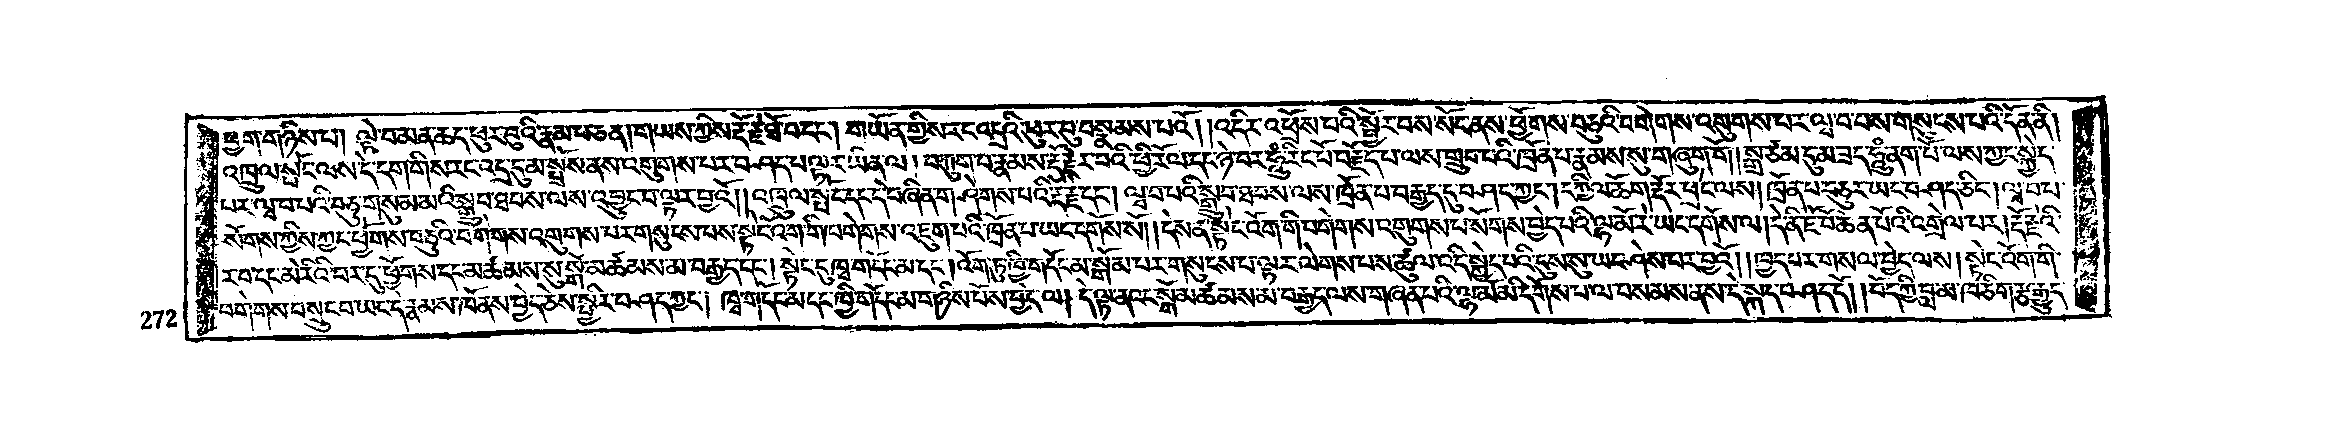ཕྱག་གཉིས་པ། ལྟེ་བ་མན་ཆད་ཕུར་བུའི་རྣམ་པ་ཅན། གཡས་ཀྱིས་རྡོ་རྗེ་ཐོ་བ་དང་། གཡོན་གྱིས་རང་འདྲའི་ཕུར་བུ་བསྣམས་པའོ། །འདིར་འཕྲོས་པའི་སྦྱོར་བས་སོང་ནས་ཕྱོགས་བཅུའི་བགེགས་འགུགས་པར་ལྭ་བ་པས་གསུངས་པའི་དོན་ནི།
འཁྲུལ་སྤོང་ལས་དེ་དག་གིས་རང་འདྲ་དུ་མ་སྤྲོས་ནས་འགུགས་པར་བཤད་པ་ལྟར་ཡིན་ལ། བཀུག་པ་རྣམས་རྡོ་རྗེ་ར་བའི་ཕྱི་རོལ་དང་ཉེ་བར་ཧཱུཾ་རིང་པོ་བརྗོད་པ་ལས་གྲུབ་པའི་ཁྲོན་པ་རྣམས་སུ་གཞུག་གོ །སྒྲ་ཙམ་དུ་མ་ཟད་ཧཱུཾ་ནག་པོ་ལས་ཀྱང་སྐྱེད་
པར་ལྭ་བ་པའི་བཅུ་གསུམ་མའི་སྒྲུབ་ཐབས་ལས་འབྱུང་བ་ལྟར་བྱའོ། །འཁྲུལ་སྤོང་དང་དེ་བཞིན་གཤེགས་པའི་རྡོ་རྗེ་དང་། ལྭ་བ་པའི་སྒྲུབ་ཐབས་ལས་ཁྲོན་པ་བརྒྱད་དུ་བཤད་ཀྱང་། དཀྱིལ་ཆོག་རྡོར་ཕྲེང་ལས། ཁྲོན་པ་བཅུར་ཡང་བཤད་ཅིང་། ལྭ་བ་པ་
སོགས་ཀྱིས་ཀྱང་ཕྱོགས་བཅུའི་བགེགས་འགུགས་པར་གསུངས་པས་སྟེང་འོག་གི་བགེགས་འཇུག་པའི་ཁྲོན་པ་ཡང་དགོས་སོ། །དེས་ན་སྟེང་འོག་གི་བགེགས་འགུགས་པ་སོགས་བྱེད་པའི་ལྷ་མོ་རེ་ཡང་དགོས་ལ། དེ་ནི་ཇོ་བོ་ཆེན་པོའི་འགྲེལ་པར། རྡོ་རྗེའི་
ར་བ་དང་མེ་རིའི་བར་དུ་ཕྱོགས་དང་མཚམས་སུ་སྒོ་མཚམས་མ་བརྒྱད་དང་། སྟེང་དུ་ཁྭ་གདོང་མ་དང་། འོག་ཏུ་ཁྱི་གདོང་མ་སྒོམ་པར་གསུངས་པ་ལྟར་ལེགས་པས་ཚུལ་འདི་སྐྱེད་པའི་དུས་སུ་ཡང་ཤེས་པར་བྱའོ། །ཁྱད་པར་གསལ་བྱེད་ལས། སྟེང་འོག་གི་
བགེགས་བསྲུང་བ་ཡང་དེ་རྣམས་ཁོ་ནས་བྱེད་ཅེས་སྤྱིར་བཤད་ཀྱང་། ཁྭ་གདོང་མ་དང་ཁྱི་གདོང་མ་གཉིས་པོས་བྱེད་ལ། དེ་ལྟ་ནའང་སྒོ་མཚམས་མ་བརྒྱད་ལས་གཞན་པའི་ལྷ་མོ་མི་དགོས་པ་ལ་བསམས་ནས་དེ་སྐད་བཤད་དོ། །བོད་ཀྱི་བླ་མ་ཁ་ཅིག་རྩ་རྒྱུད་